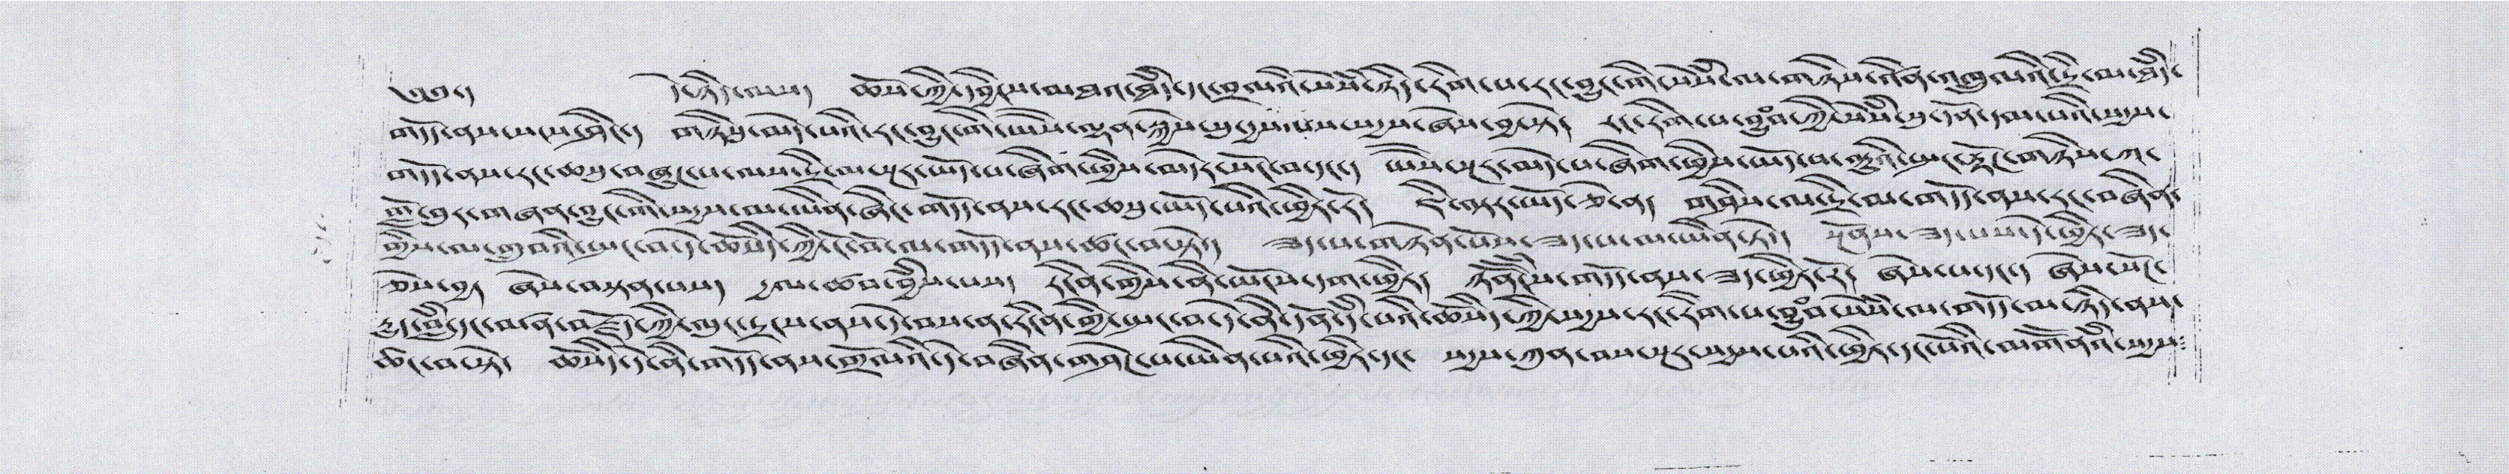དེ་ཉིད་ལས། ཆོས་ཀྱི་དབྱིངས་མཐའ་ཐམས་ཅད་དང་བྲལ་བའི་སེམས་ཉིད་རིག་པ་རང་བྱུང་གི་སེམས་ལ་གཉིས་འཛིན་འཁྲུལ་པའི་དྲི་མ་ཐམས་ཅད་
གདོད་ནས་སངས་ཤིང་གཉིས་སུ་མེད་པའི་རང་བྱུང་གི་ཡེ་ཤེས་ལྷན་སྐྱེས་སུ་རྒྱས་པས་སངས་རྒྱས་ཞེས་བྱ་སྟེ། རང་རིག་པ་བྱང་ཆུབ་ཀྱི་སེམས་སུ་དོན་དམ་པའི་སངས་རྒྱས་
གདོད་ནས་རང་ཆས་སུ་བཞུགས་པ་ལས་དྲི་མ་སྔར་ཡོད་པ་ཞིག་ཕྱིས་མེད་པར་སོང་བ་དང་། ཡེ་ཤེས་སྔར་མེད་པ་ཞིག་ཕྱིས་ཡོད་པ་ལྟ་བུས་སྤང་རྟོགས་གཉིས་ཀ་
གློ་བུར་གཞན་བྱུང་གི་སངས་རྒྱས་མ་ཡིན་ཞིང་གདོད་ནས་རང་ཆས་སུ་ཡོད་པའི་ཕྱིར་རོ། ཇི་ལྟར་ཡོད་ཅེ་ན། གཤིས་ལ་དྲི་མ་གདོད་ནས་རང་བཞིན་
གྱིས་མ་གྲུབ་པའི་སྤང་བ་དེ་ཆོས་ཉིད་ཀྱི་ངོ་བོ་ལ་གདོད་ནས་ཚང་བ་སྟེ། ཟད་པ་གཉེན་པོས་ཟད་པ་མ་ཡིན་ཏེ། སྔོན་ནས་ཟད་པས་དེ་ཕྱིར་ཟད་
ཅེས་བྱ། ཞེས་བསྟན་པས། རྒྱལ་ཚབ་བྱམས་པས། རང་བཞིན་གྱིས་ནི་ཡོངས་དག་ཕྱིར། ཉོན་མོངས་གདོད་ནས་ཟད་ཕྱིར་རོ། ཞེས་པ་དང་ཞེས་སོགས་
རྒྱུད་བླ་མ་དང་མཚན་བརྗོད་ཀྱི་ལུང་དྲངས་ནས་དེ་བས་ན་རང་བཞིན་གྱིས་སྤང་བ་དེ་ནི་དོན་དམ་པའི་ཆོས་ཉིད་ཀྱི་སངས་རྒྱས་རང་རིག་པ་བྱང་ཆུབ་སེམས་ལ་གདོད་མ་ཉིད་ནས་
ཚང་བ་སྟེ། ཆོས་ཉིད་དེ་ལ་གདོད་ནས་གྲོལ་བའི་དེ་བཞིན་གཤེགས་པ་ཡིན་པའི་ཕྱིར་དང་། སངས་རྒྱས་ཀུན་བས་སྔར་སངས་རྒྱས་པའི་ཕྱིར་དང་པོའི་མགོན་པོའི་སངས་རྒྱས་